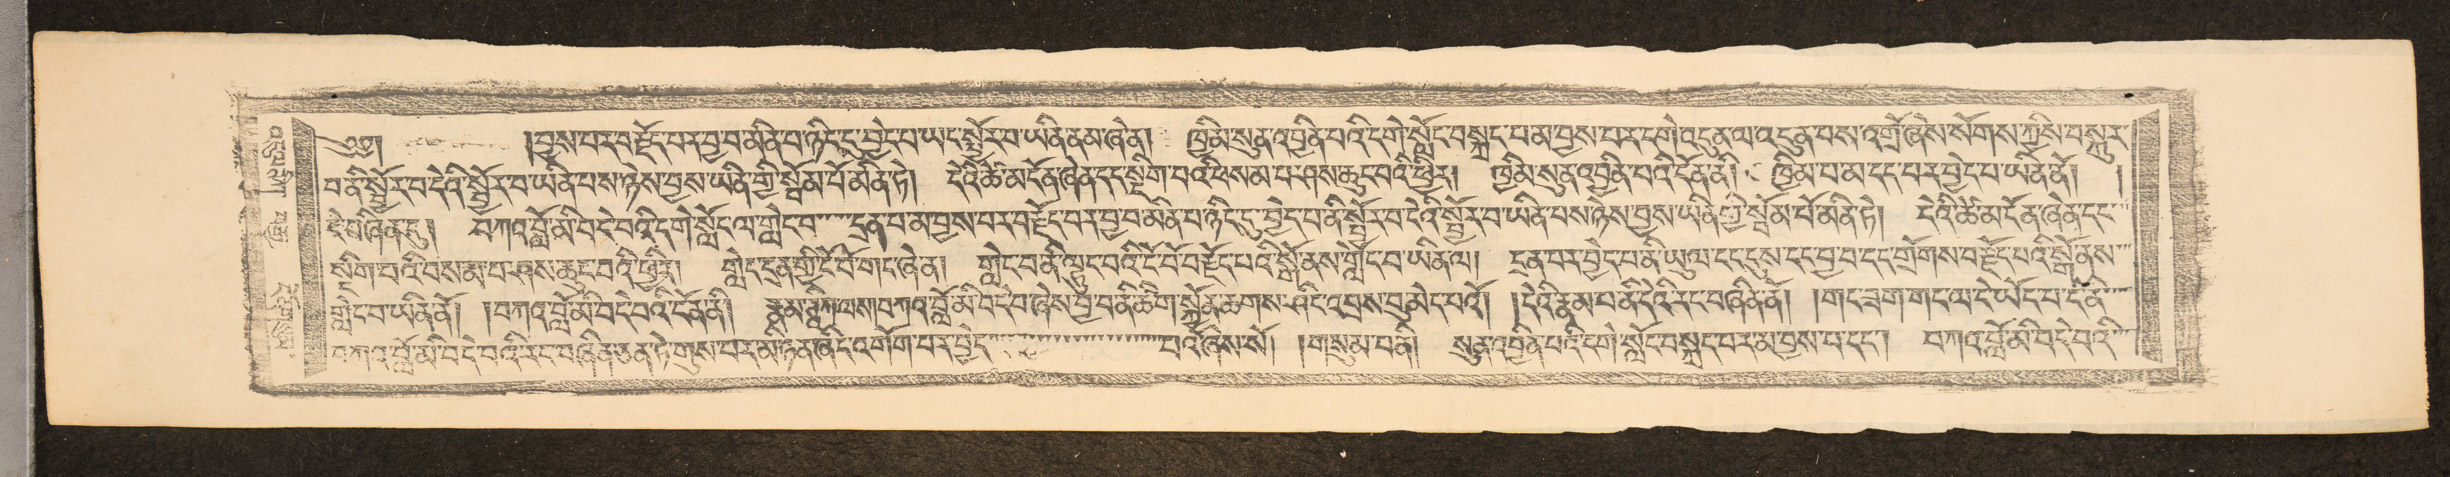༄༅། །བྱས་པར་བརྗོད་པར་བྱ་བ་མིན་པ་ཉིད་དུ་བྱེད་པ་ཡང་སྦྱོར་བ་ཡིན་ནམ་ཞེ་ན། ཁྱིམ་སུན་འབྱིན་པའི་དགེ་སློང་བསྐྲད་པ་མ་བྱས་པར་དགེ་འདུན་ལ་འདུན་པས་འགྲོ་ཞེས་སོགས་ཀྱིས་བསྐུར་
བ་ནི་སྦྱོར་བ་དེའི་སྦྱོར་བ་ཡིན་པས་ཉེས་བྱས་ཡིན་གྱི་སྦོམ་བོ་མིན་ཏེ། དེའི་ཚེ་མདོན་ཞེན་དང་སྡིག་པའི་བསམ་པ་ཤས་ཆུང་བའི་ཕྱིར། ཁྱིམ་སུན་འབྱིན་པའི་དོན་ནི། ཁྱིམ་པ་མ་དད་པར་བྱེད་པ་ཡིན་ནོ། །
དེ་བཞིན་དུ། བཀའ་བློ་མི་བདེ་བའི་དགེ་སློང་ལ་གླེང་བ་དྲན་པ་མ་བྱས་པར་བརྗོད་པར་བྱ་བ་མིན་པ་ཉིད་དུ་བྱེད་པ་ནི་སྦྱོར་བ་དེའི་སྦྱོར་བ་ཡིན་པས་ཉེས་བྱས་ཡིན་གྱི་སྦོམ་པོ་མིན་ཏེ། དེའི་ཚེ་མངོན་ཞེན་དང་
སྡིག་པའི་བསམ་པ་ཤས་ཆུང་བའི་ཕྱིར། གླེང་དྲན་གྱི་ངོ་བོ་གང་ཞེ་ན། གླེང་བ་ནི་ལྟུང་བའི་ངོ་བོ་བརྗོད་པའི་སྒོ་ནས་གླེང་བ་ཡིན་ལ། དྲན་པར་བྱེད་པ་ནི་ཡུལ་དང་དུས་དང་བྱ་བ་དང་གྲོགས་བརྗོད་པའི་སྒོ་ནས་
གླེང་བ་ཡིན་ནོ། །བཀའ་བློ་མི་བདེ་བའི་དོན་ནི། རྣམ་ཊཱིཀ་ལས། བཀའ་བློ་མི་བདེ་བ་ཞེས་བྱ་བ་ནི་ཚིག་སྐྱོན་ཆགས་ཤིང་འབྲས་བུ་མེད་པའོ། །དེའི་རྣམ་པ་ནི་དེའི་རང་བཞིན་ནོ། །གང་ཟག་གང་ལ་དེ་ཡོད་པ་དེ་ནི་
བཀའ་བློ་མི་བདེ་བའི་རང་བཞིན་ཅན་ཏེ་གུས་པར་མི་ཉན་ཞིང་འགོག་པར་བྱེད་བའོ་ཞེས་སོ། །གསུམ་པ་ནི། སུན་འབྱིན་པའི་དགེ་སློང་བསྒྲད་པར་མ་བྱས་པ་དང་། བཀའ་བློ་མི་བདེ་བའི་